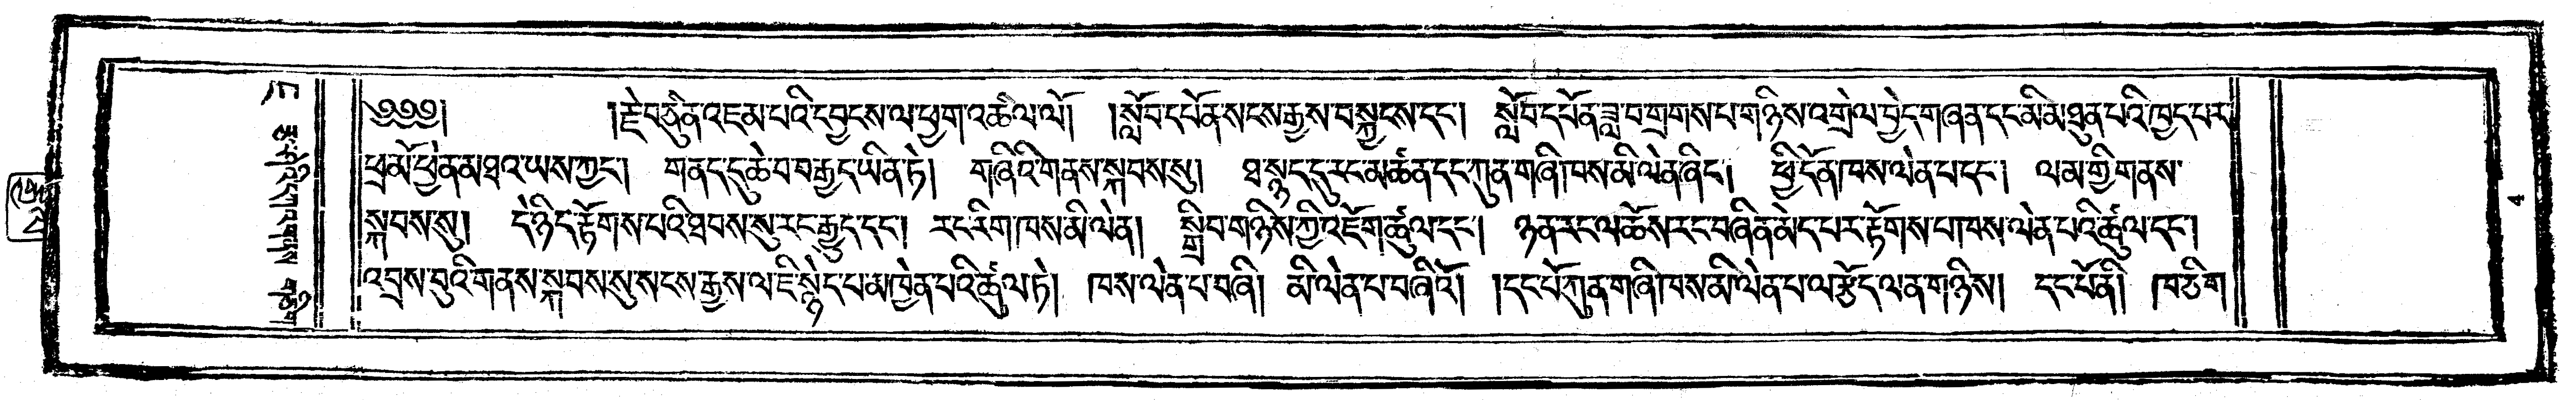༄༅༅། །རྗེ་བཙུན་འཇམ་པའི་དབྱངས་ལ་ཕྱག་འཚལ་ལོ། །སློབ་དཔོན་སངས་རྒྱས་བསྐྱངས་དང་། སློབ་དཔོན་ཟླ་བ་གྲགས་པ་གཉིས་འགྲེལ་བྱེད་གཞན་དང་མི་མཐུན་པའི་ཁྱད་པར་
ཕྲ་མོ་ཕྱེ་ན་མཐའ་ཡས་ཀྱང་། གནད་དུ་ཆེ་བ་བརྒྱད་ཡིན་ཏེ། གཞིའི་གནས་སྐབས་སུ། ཐ་སྙད་དུ་རང་མཚན་དང་ཀུན་གཞི་ཁས་མི་ལེན་ཞིང་། ཕྱི་དོན་ཁས་ལེན་པ་དང་། ལམ་གྱི་གནས་
སྐབས་སུ། དེ་ཉིད་རྟོགས་པའི་ཐབས་སུ་རང་རྒྱུད་དང་། རང་རིག་ཁས་མི་ལེན། སྒྲིབ་གཉིས་ཀྱི་འཇོག་ཚུལ་དང་། ཉན་རང་ལ་ཆོས་རང་བཞིན་མེད་པར་རྟོགས་པ་ཁས་ལེན་པའི་ཚུལ་དང་།
འབྲས་བུའི་གནས་སྐབས་སུ་སངས་རྒྱས་ལ་ཇི་སྙེད་པ་མཁྱེན་པའི་ཚུལ་ཏེ། ཁས་ལེན་པ་བཞི། མི་ལེན་པ་བཞིའོ། །དང་པོ་ཀུན་གཞི་ཁས་མི་ལེན་པ་ལ་རྩོད་ལན་གཉིས། དང་པོ་ནི། ཁ་ཅིག་